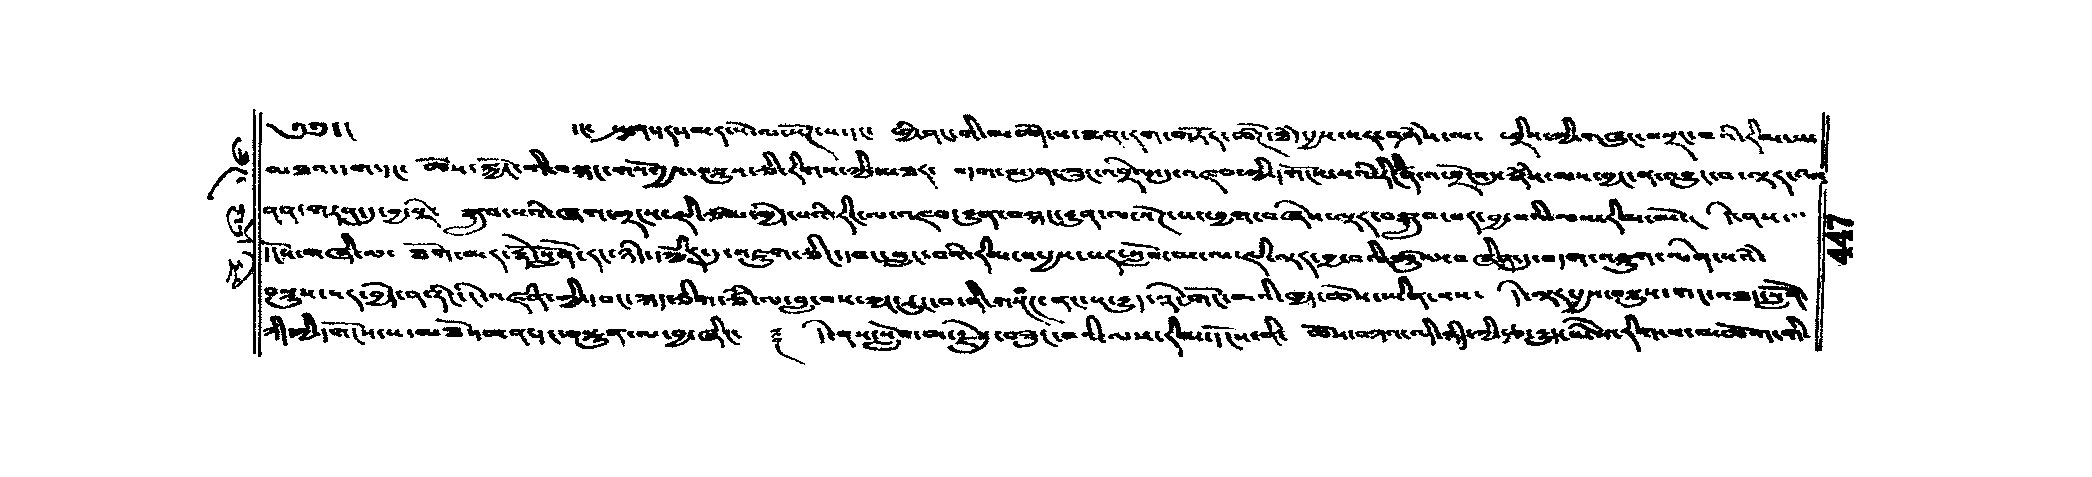དང་། སྤྱན་དར་དམར་པོ་ལ་སོགས་པ་དང་། ཕྱི་ནང་གི་མཆོད་པ་སྨན་རག་གཏོར་ཚོགས་ཐམས་ཅད་རྒྱས་པར་བཤམས་ལ། ཕྲིན་ལས་ཀྱི་གཞུང་བསྲང་བའི་རིམ་པ་
མཐའ་དག་དང་། ཆོས་སྐྱོང་གི་བསྐང་གསོ་རྒྱས་བསྡུས་ཅི་རིགས་ཀྱི་མཐར། བདག་མདུན་ཟུང་འབྲེལ་དུ་འཛབ་ཀྱི་དགོངས་པའི་རང་བཞིན་འཕྲོ་འདུ་རྣམས་ལས་བྱང་ན་འབྱུང་བ་ལྟར་
ནན་ཏན་དུ་བྱ་སྟེ། སྒྲུབ་པའི་ཞག་གྲངས་ཇི་ཙམ་བྱེད་པའི་རིང་ལ་འཛབ་རྒྱུན་བསྐང་རྒྱུན་ལ་སོགས་པ་ཕྱགབཞི་ལྟར་བསྒྲུབ་པར་བྱ་བའི་ལས་རིམ་མོ། དེ་ནས་
དངོས་གཞི་ལ་ཐོག་མར་རྡོ་རྗེ་སློབ་དཔོན་རང་ཉིད་དཀྱིལ་འཁོར་དུ་འཇུག་ཅིང་དབང་བླང་བའི་རིམ་པ་རྒྱས་པར་སློབ་མ་ལ་ཇི་ལྟར་བྱ་བའི་ཚུལ་བཞིན་དུ་བདག་འཇུག་ལེན་པའམ། 
བསྡུས་པར་བྱེད་ན་ཏིང་ངེ་འཛིན་གྱི་དབང་སྐད་ཅིག་ཙམ་ལ་བླ་བས་ཀྱང་རུང་བ་ནི་གསང་སྔགས་ནང་པ་རྒྱུད་སྡེ་གོང་མའི་ཁྱད་ཆོས་ཡིན་པས། དེ་ལྟར་རྒྱས་བསྡུས་གང་འཐད་སློབ་དཔོན་
ཉིད་ཀྱི་དགོངས་པ་མཐོ་དམན་དང་བསྟུན་ལ་བྱ་ཞིང་། ༈ དེ་ནས་སློབ་མ་རྗེས་སུ་བཟུང་བའི་ལས་རིམ་ནི། ཆོས་བཀའ་འདི་ཉིད་ཀྱི་རྩ་རྒྱུད་ཡེ་ཤེས་རིག་པ་མཆོག་གི་